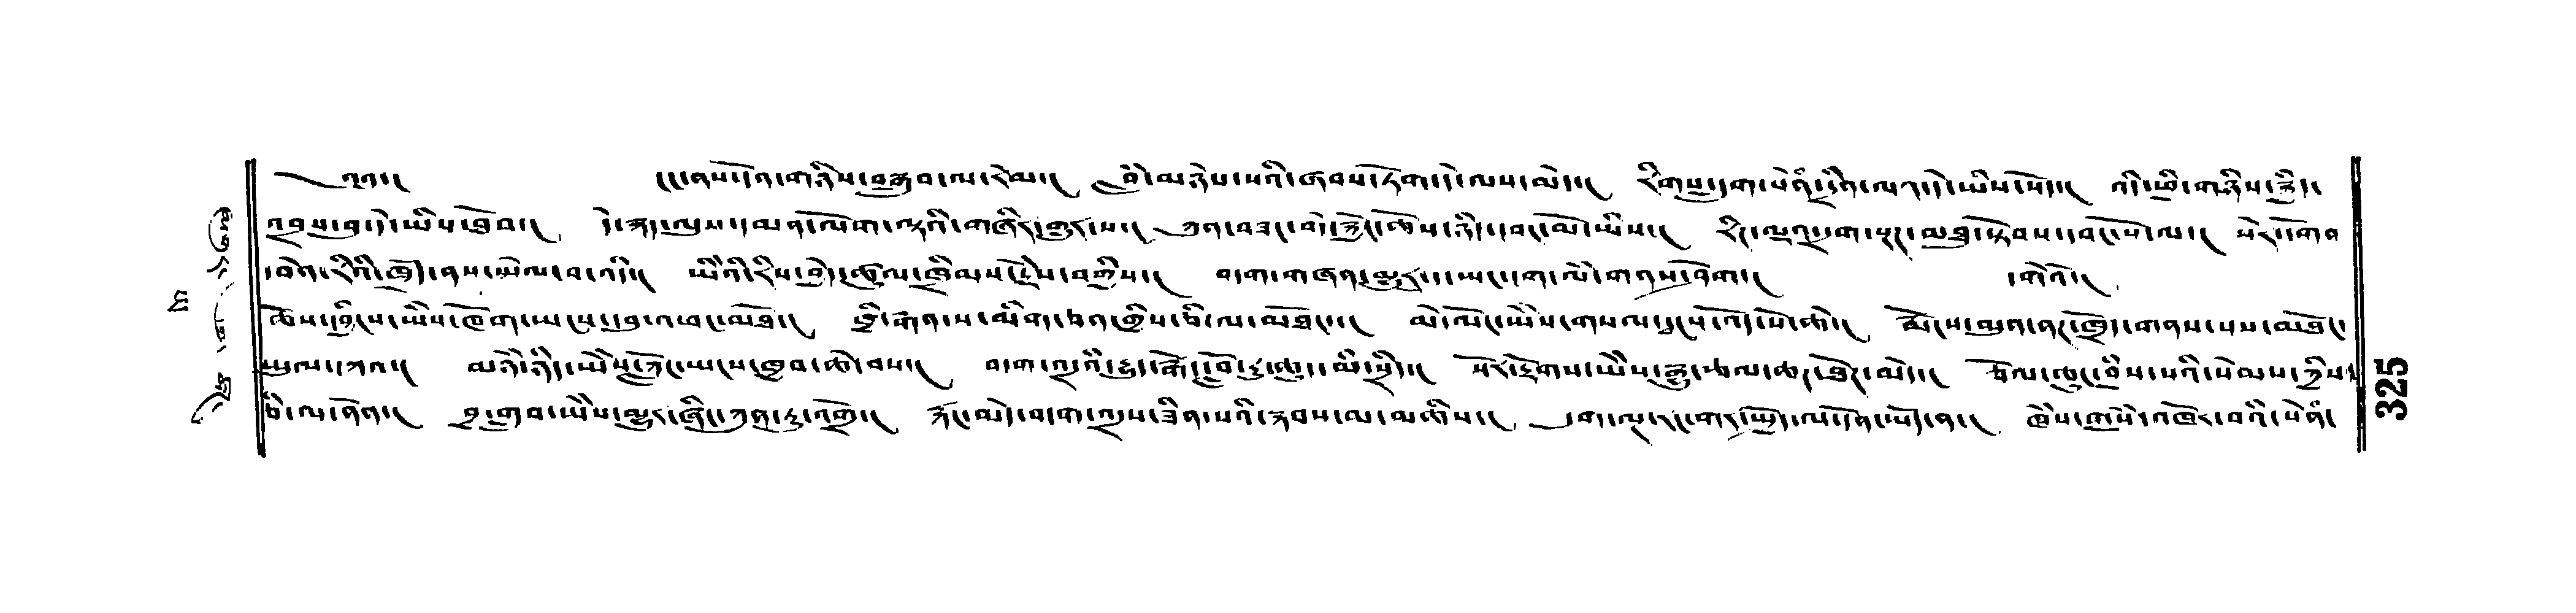ངང་ནས་དོན་གཉིས་བསྒྲུབ་ལ་རེམ། །བླ་མ་མཉེས་པའི་ཞབས་ཏོག་དེ་ལས་མེད། །རིགས་དྲུག་སེམས་ཅན་དྲིན་ལན་དེ་ཡིས་སོད། །འདི་ཕྱི་གཉིས་སྐྱིད་
འབྲས་བུ་དེ་ཡིས་ཐོབ། །དེ་སྐད་ལུས་དམན་ལོག་ལྟའི་གཞིར་གྱུར་པ། །ཀུན་བཟང་བདེ་སྐྱོང་ཆོས་ཉིད་དབང་མོ་ཡིས། །རིགས་ལྡན་དྲག་སྔགས་མཐུ་སྟོབས་དབང་པོ་ལ། །སེར་དགོན་
དབེན་རིའི་ཁྲོད་ནས་སྤེལ་བ་འདི། །ཡི་གེའི་རིས་བྱེད་ཚུལ་ཁྲིམས་རྡོ་རྗེས་བགྱིས། །བདག་གཞན་མྱུར་དུ་ཡང་དག་ལམ་གནས་ཤོག དགེའོ།། 
ཆོས་དབྱིངས་ཡེ་ཤེས་ཁོག་ཡངས་དབུ་འཕང་མཐོ། ཁྱི་རྒན་ས་མིག་ཅན་གྱིས་ཅི་ལ་མཐོང་། །མེ་ལོང་ཡེ་ཤེས་གསལ་དྭངས་འོད་པོ་ཆེ། །རྨོངས་མུན་ནགས་ཁྲོད་གནས་པས་མཐོང་
ཡུལ་དཀའ། །མཉམ་ཉིད་ཡེ་ཤེས་ཀློང་ཡངས་ཁྱབ་ཆེ་བས། །བདག་འདྲའི་རྒྱུད་རྒོད་བློ་རུ་ཆུད་མི་སྲིད། །སོར་རྟོགས་ཡེ་ཤེས་སྒྱུ་རྩལ་ཆགས་ཐོགས་མེད། །ཅོལ་ཆུང་བྱིས་པའི་སེམས་ཀྱིས་
ཅི་ལ་ནོན། །བྱ་གྲུབ་ཡེ་ཤེས་མྱུར་ཞིང་ཀུན་ཏུ་འགྲོ། །རྐང་མེད་བདག་འདྲས་ཟིན་པའི་སྐབས་མ་མཆིས། །དུག་ལྔ་རང་གར་སྤྱོད་ལ་དོན་ཡོད་ན། ཁམས་གསུམ་འཁོར་བའི་སེམས་ཅན་